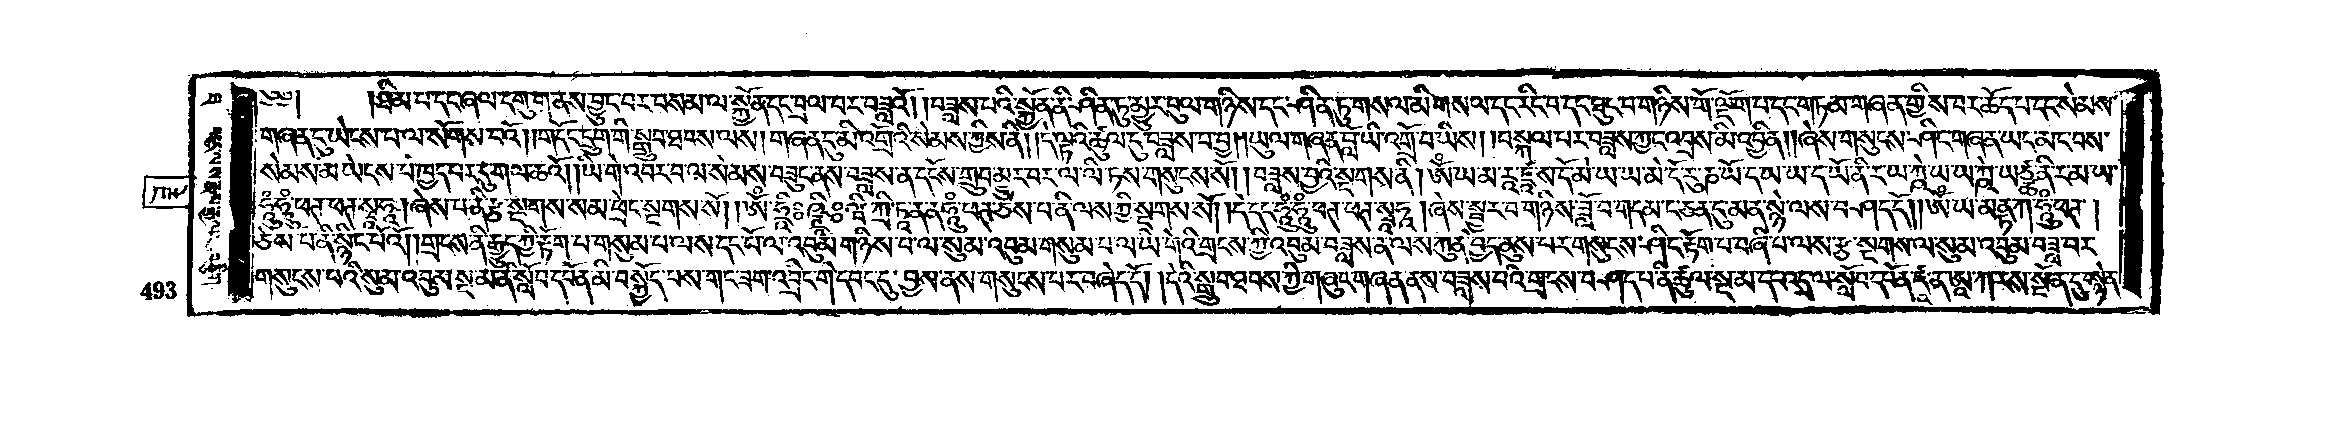༄༅། །ཐིམ་པ་དང་ཞལ་དགུ་ག་ནས་བྱུང་བར་བསམ་ལ་སྐྱོན་དང་བྲལ་བར་བཟླའོ། །བཟླས་པའི་སྐྱོན་ནི་ཤིན་ཏུ་མྱུར་བུལ་གཉིས་དང་ཤིན་ཏུ་གསལ་མི་གསལ་དང་རིང་བ་དང་ཐུང་བ་གཉིས་གོ་ལྡོག་པ་དང་གཏམ་གཞན་གྱིས་བར་ཆོད་པ་དང་སེམས་
གཞན་དུ་ཡེངས་པ་ལ་སོགས་པའོ། །གདོང་དྲུག་གི་སྒྲུབ་ཐབས་ལས། གཞན་དུ་མི་འགྲོའི་སེམས་ཀྱིས་ནི། །དེ་ལྟའི་ཚུལ་དུ་བཟླས་པ་བྱ། །ཡུལ་གཞན་བློ་ཡི་འགྲོ་བ་ཡིས། །བསྐལ་པར་བཟླས་ཀྱང་འབྲས་མི་འབྱིན། །ཞེས་གསུངས་ཤིང་གཞན་ཡང་མང་བས་
སེམས་མ་ཡེངས་པ་ཁྱད་པར་དུ་གལ་ཆེའོ། །ཡི་གེ་འབར་བ་ལ་སེམས་བཟུང་ནས་བཟླས་ན་དངོས་གྲུབ་མྱུར་བར་ལ་ལི་ཏས་གསུངས་སོ། །བཟླས་བྱའི་སྔགས་ནི། ཨོཾ་ཡ་མ་རཱ་ཛཱ་ས་དོ་མེ་ཡ་ཡ་མེ་དོ་རུ་ཎ་ཡོ་ད་ཡ་ཡ་ད་ཡོ་ནི་ར་ཡ་ཀྵེ་ཡ་ཡ་ཀྵེ་ཡཙྪ་ནི་ར་མ་ཡ་
ཧཱུཾ་ཧཱུཾ་ཕཊ་ཕཊ་སྭཱཧཱ། ཞེས་པ་ནི་རྩ་སྔགས་སམ་ཕྲེང་སྔགས་སོ། །ཨོཾ་ཧྲཱིཿ ཥྚྲཱིཿ ཝི་ཀྲི་ཏཱ་ན་ན་ཧཱུཾ་ཕཊ་ཅེས་པ་ནི་ལས་ཀྱི་སྔགས་སོ། །དེ་དང་ཧཱུཾ་ཧཱུཾ་ཕཊ་ཕཊ་སྭཱཧཱ། ཞེས་སྦྱར་བ་གཉིས་ཟློ་བ་གདམ་ང་ཅན་དུ་མན་སྙེ་ལས་བཤད་དོ། །ཨོཾ་ཡ་མནྟ་ཀ་ཧཱུཾ་ཕཊ།
ཅེས་པ་ནི་སྙིང་པོའོ། །གྲངས་ནི་རྒྱུད་ཀྱི་རྟོག་པ་གསུམ་པ་ལས་དང་པོ་ལ་འབུམ་གཉིས་པ་ལ་སུམ་འབུམ་གསུམ་པ་ལ་ཡི་གེའི་གྲངས་ཀྱི་འབུམ་བཟླས་ན་ལས་ཀུན་བྱེད་ནུས་པར་གསུངས་ཤིང་རྟོག་པ་བཞི་པ་ལས་རྩ་སྔགས་ལ་སུམ་འབུམ་བཟླ་བར་
གསུངས་པའི་སུམ་འབུམ་སྔ་མ་ནི་སློབ་དཔོན་མི་བསྐྱོད་པས་གང་ཟག་འབྲིང་གི་དབང་དུ་བྱས་ནས་གསུངས་པར་བཞེད་དོ། །དེའི་སྒྲུབ་ཐབས་ཀྱི་གཞུང་གཞན་ནས་བཟླས་པའི་གྲངས་བཤད་པ་ནི་ཚུལ་སྔ་མ་དང་འདྲ་ལ་སློབ་དཔོན་ཛྙཱ་ན་ཨཱ་ཀ་རས་སྔོན་དུ་བསྙེན་